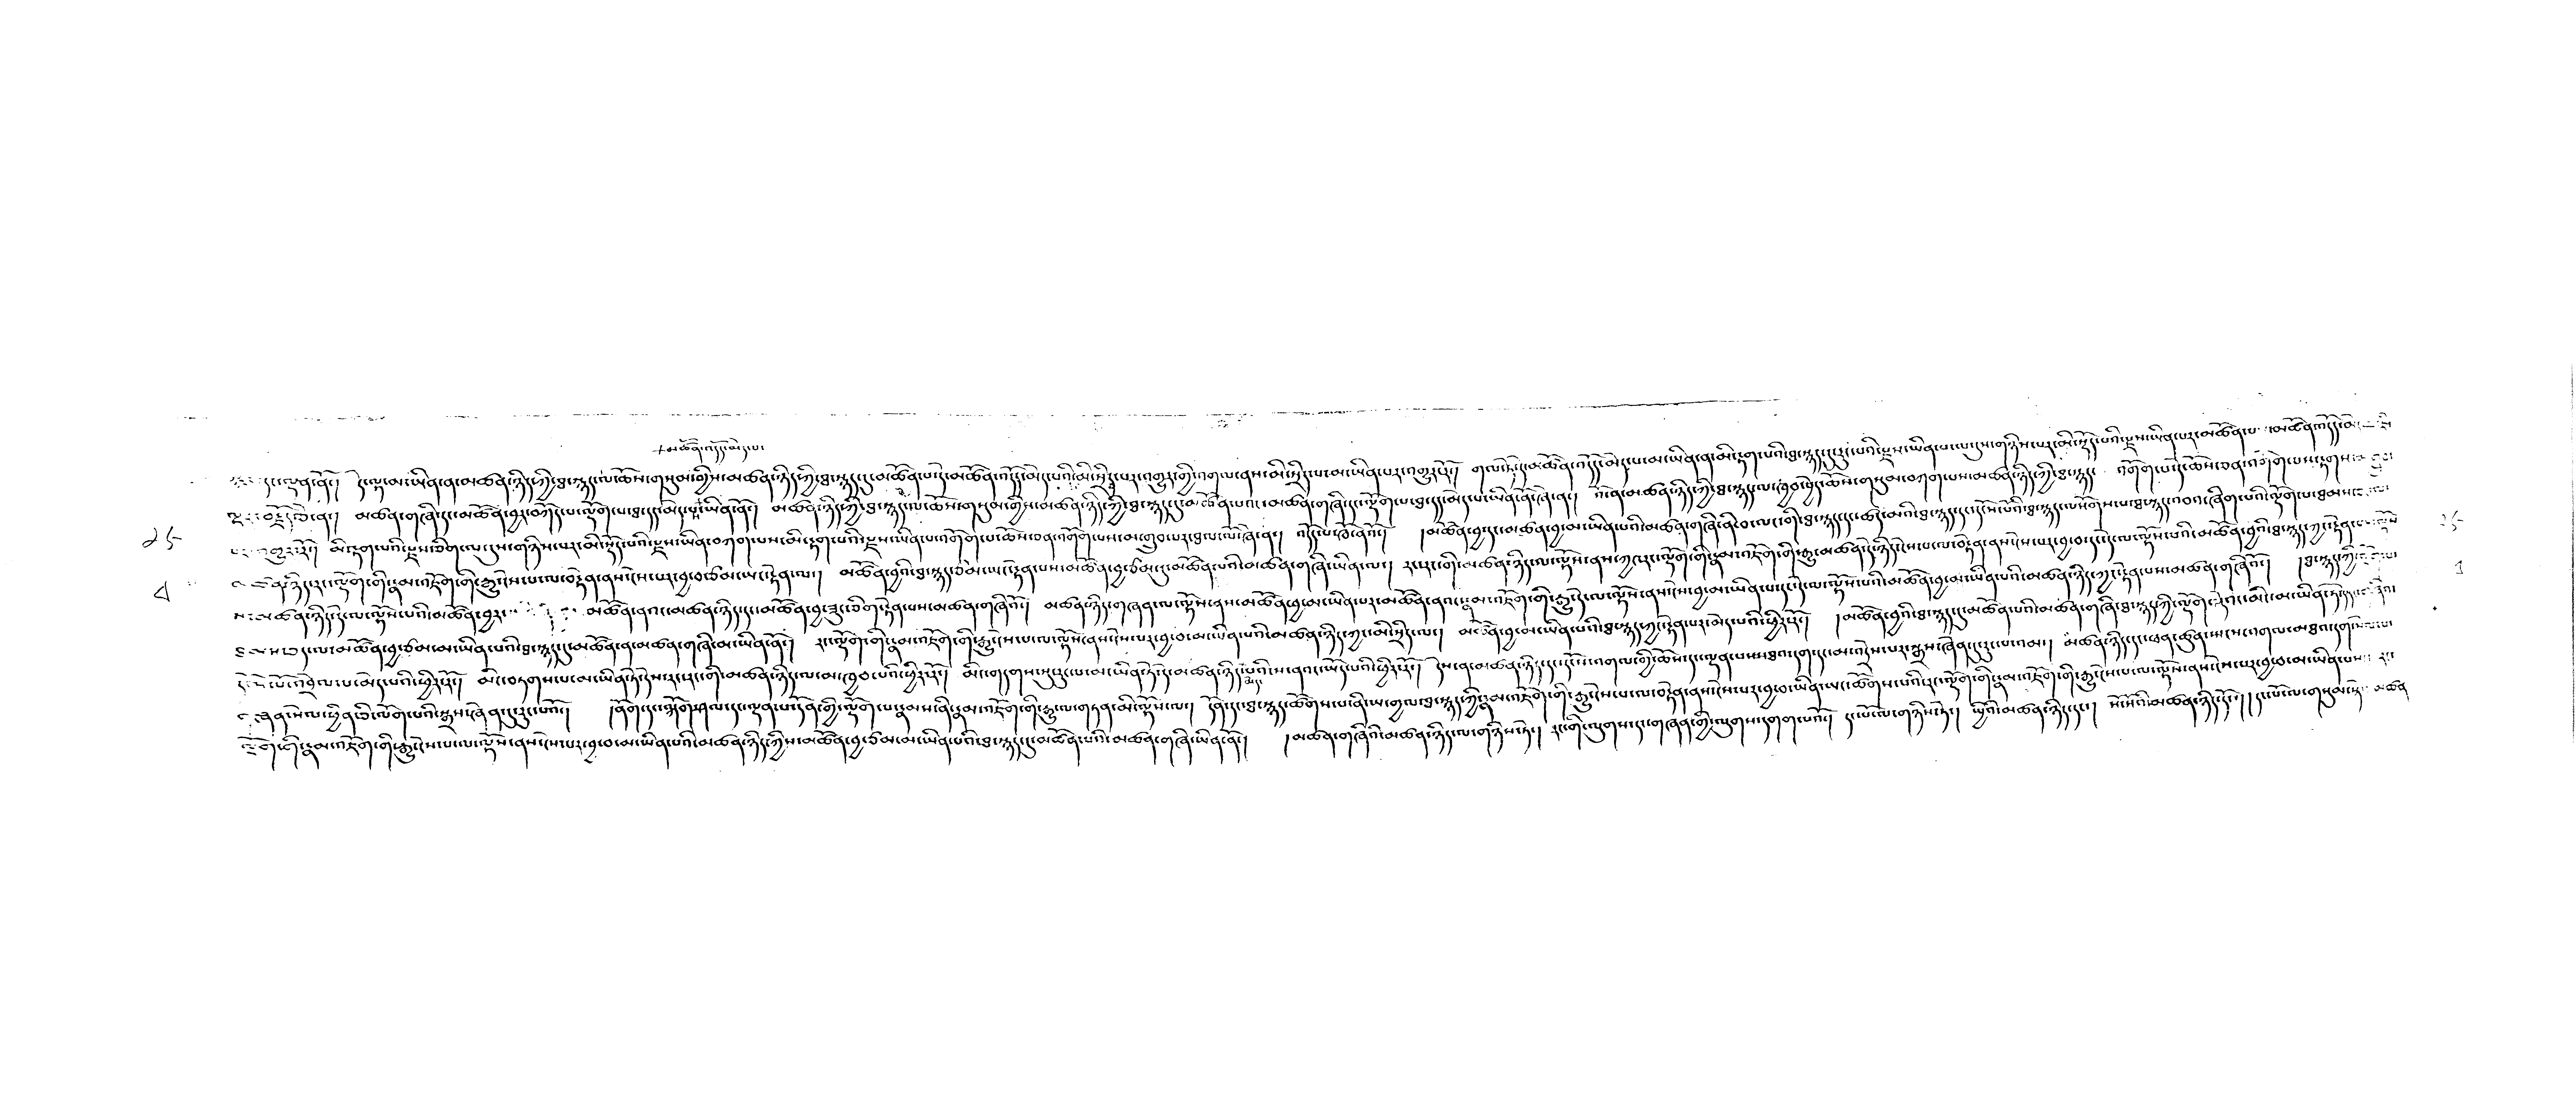སྙད་དང་ལྡན་ནོ། དེ་ལྟ་མ་ཡིན་ན་མཚན་ཉིད་ཀྱི་ཐ་སྙད་ལ་ཆོས་གསུམ་གྱིས་མཚན་ཉིད་ཀྱི་ཐ་སྙད་དུ་མཚོན་པ་དེ་མཚོན་འདོད་མེད་པའི་མི་སྲིད་པར་འགྱུར་གྱི་འགལ་ནས་མི་སྲིད་པ་མ་ཡིན་པར་འགྱུར་རོ། གལ་ཏེ་དེ་མཚོན་འདོད་མེད་པ་མ་ཡིན་ན་མི་རྟག་པའི་ཐ་སྙད་དུ་རུང་པའི་རྫས་ཡིན་པ་ལ་དུས་གཉིས་པར་མི་སྟོད་པའི་རྫས་ཡིན་པར་མཚོན་པ་མཚོན་འདོད་མེད་པར་ཇི་
ལྟར་བརྗོད་ཅེ་ན། མཚན་གཞི་དང་མཚོན་བྱར་བཀོད་པ་ལྡོག་པ་ཐ་དད་མེད་པས་མཚོན་འདོད་མེད་པ་ཡིན་ནོ། མཚན་ཉིད་ཀྱི་ཐ་སྙད་ལ་ཆོས་གསུམ་གྱིས་མཚན་ཉིད་ཀྱི་ཐ་སྙད་དུ་མཚོན་པའང་མཚན་གཞི་དང་ལྡོག་པ་ཐ་དད་མེད་པ་ཡིན་ནོ་ཞེ་ན། འོ་ན་མཚན་ཉིད་ཀྱི་ཐ་སྙད་ལ་ཁྱབ་བྱེད་ཆོས་གསུམ་བཀག་པས་མཚན་ཉིད་ཀྱི་ཐ་སྙད་འགོག་པ་དེ་ཆོས་ཅན་འགོག་པས་རྟགས་འགྲུབ་
པར་འགྱུར་རོ། མི་རྟག་པའི་རྫས་ཅིག་ལ་དུས་གཉིས་པར་མི་སྟོད་པའི་རྫས་ཡིན་བཀག་པས་མི་རྟག་པའི་རྫས་ཡིན་པ་འགོག་པ་ཆོས་ཅན་འགོག་པས་མ་གྲུབ་པར་ཐལ་ལོ་ཞེ་ན། འདོད་པ་ཁོ་ནའོ། །མཚོན་བྱ་དང་མཚན་བྱ་མ་ཡིན་པའི་མཚན་གཞི་ནི་བ་ལང་གི་ཐ་སྙད་དང་ཚད་མའི་ཐ་སྙད་དང་དངོས་པོའི་ཐ་སྙད་ལ་སོགས་པ་ཐ་སྙད་འབའ་ཞིག་པའི་ལྡོག་པ་ཐམས་ཅད་
མཚན་ཉིད་རང་ལྡོག་གི་རྣམ་འཇོག་གི་རྒྱུ་ངེས་པ་ལ་བརྟེན་ནས་ངེས་པར་བྱ་བ་ཙམ་ཡང་རྟེན་ལ། མཚོན་བྱའི་ཐ་སྙད་ཙམ་ཡང་རྟེན་པས་མཚོན་བྱ་ཙམ་དུ་མཚོན་པའི་མཚན་གཞི་ཡིན་ལ། རང་རང་གི་མཚན་ཉིད་ལ་ལྟོས་ནས་ཀྱང་རང་ལྡོག་གི་རྣམ་འཇོག་གི་རྒྱུ་མཚན་དེ་ཉིད་ངེས་པ་ལ་བརྟེན་ནས་ངེས་པར་བྱ་བ་དང་དེ་ལ་ལྟོས་པའི་མཚོན་བྱའི་ཐ་སྙད་ཀྱང་རྟེན་པས་ལྟོས་
ལ་མཚན་ཉིད་དེ་ལ་ལྟོས་པའི་མཚོན་བྱར་མཚོན་ནའང་མཚན་ཉིད་དང་མཚོན་བྱ་ཟུང་ཅིག་རྟེན་པས་མཚན་གཞིའོ། མཚན་ཉིད་གཞན་ལ་ལྟོས་ནས་མཚོན་བྱ་མ་ཡིན་པར་མཚོན་ནའང་རྣམ་འཇོག་གི་རྒྱུ་དེ་ལ་ལྟོས་ནས་ངེས་བྱ་མ་ཡིན་པ་དང་དེ་མ་ལྟོས་པའི་མཚོན་བྱ་མ་ཡིན་པའི་མཚན་ཉིད་ཀྱང་རྟེན་པས་མཚན་གཞིའོ། །ཐ་སྙད་ཀྱི་ལྡོག་པ་
ཐམས་ཅད་ལ་མཚོན་བྱ་ཙམ་མ་ཡིན་པའི་ཐ་སྙད་དུ་མཚོན་ན་མཚན་གཞི་མ་ཡིན་ནོ། རང་ལྡོག་གི་རྣམ་འཇོག་གི་རྒྱུ་ངེས་པ་ལ་ཨེལྟོས་ནས་ངེས་པར་བྱ་བ་མ་ཡིན་པའི་མཚན་ཉིད་ཀྱང་མི་སྲིད་ལ། མཚོན་བྱ་མ་ཡིན་པའི་ཐ་སྙད་ཀྱང་རྟེན་པར་མེད་པའི་ཕྱིར་རོ། །མཚོན་བྱའི་ཐ་སྙད་དུ་མཚོན་པའི་མཚན་གཞི་ཐ་སྙད་ཀྱི་ལྡོག་པའང་མིང་མ་ཡིན་ཏེ། དེ་དང་གཞིའ?
དངོས་པོ་འབྲེལ་པ་མེད་པའི་ཕྱིར་རོ། མིང་བཏགས་པ་མ་ཡིན་ཏེ་དེས་རང་རང་གི་མཚན་ཉིད་ལ་མ་ཁྱབ་པའི་ཕྱིར་རོ། མི་གདགས་སུ་རུང་པ་མ་ཡིན་ཏེ་དེ་མཚན་ཉིད་མེད་པའི་ས་ནའང་ཡོད་པའི་ཕྱིར་རོ། དེས་ན་མཚན་ཉིད་དང་དངོས་འགལ་གྱི་ཆོས་དང་ལྡན་པས་མཐའ་དག་དང་མ་འདྲེས་པར་སྒྲས་ཞེན་དུ་རུང་པ་འམ། མཚན་ཉིད་དང་ཕན་ཚུན་སྤངས་འགལ་མཐའ་དག་སེལ་པ་
གཞན་སེལ་ཕྱིན་ཅི་ལོག་པའི་སྒྲས་ཞེན་དུ་རུང་པའོ། །ནོག་དང་ལྐོག་ཤལ་དང་ལྡན་པ་དོན་གྱི་ལྡོག་པ་རྣམས་ནི་རྣམ་འཇོག་གི་རྒྱུ་ལ་གཏན་མི་ལྟོས་ལ། དོན་དང་ཐ་སྙད་ཚོགས་པ་ནི་ཡ་གྱལ་ཐ་སྙད་ཀྱི་རྣམ་འཇོག་གི་རྒྱུ་ངེས་པ་ལ་བརྟེན་ནས་ངེས་པར་བྱ་བ་ཡིན་ཡང་ཚོགས་པའི་རང་ལྡོག་གི་རྣམ་འཇོག་གི་རྒྱུ་ངེས་པ་ལ་ལྟོས་ནས་ངེས་པར་བྱ་བ་མ་ཡིན་པས། རང་
ལྡོག་གི་རྣམ་འཇོག་གི་རྒྱུ་ངེས་པ་ལ་ལྟོས་ནས་ངེས་པར་བྱ་བ་མ་ཡིན་པའི་མཚན་ཉིད་ཀྱིས་མཚོན་བྱ་ཙམ་མ་ཡིན་པའི་ཐ་སྙད་དུ་མཚོན་པའི་མཚན་གཞི་ཡིན་ནོ། །མཚན་གཞིའི་མཚན་ཉིད་ལ་གཉིས་ཏེ། རང་གི་ལུགས་དང་གཞན་གྱི་ལུགས་དགག་པའོ། དང་པོ་ལ་གཉིས་ཏེ། སྤྱིའི་མཚན་ཉིད་དང་། སོ་སོའི་མཚན་ཉིད་དོ། །དང་པོ་ལ་གསུམ་སྟེ་མཚན་